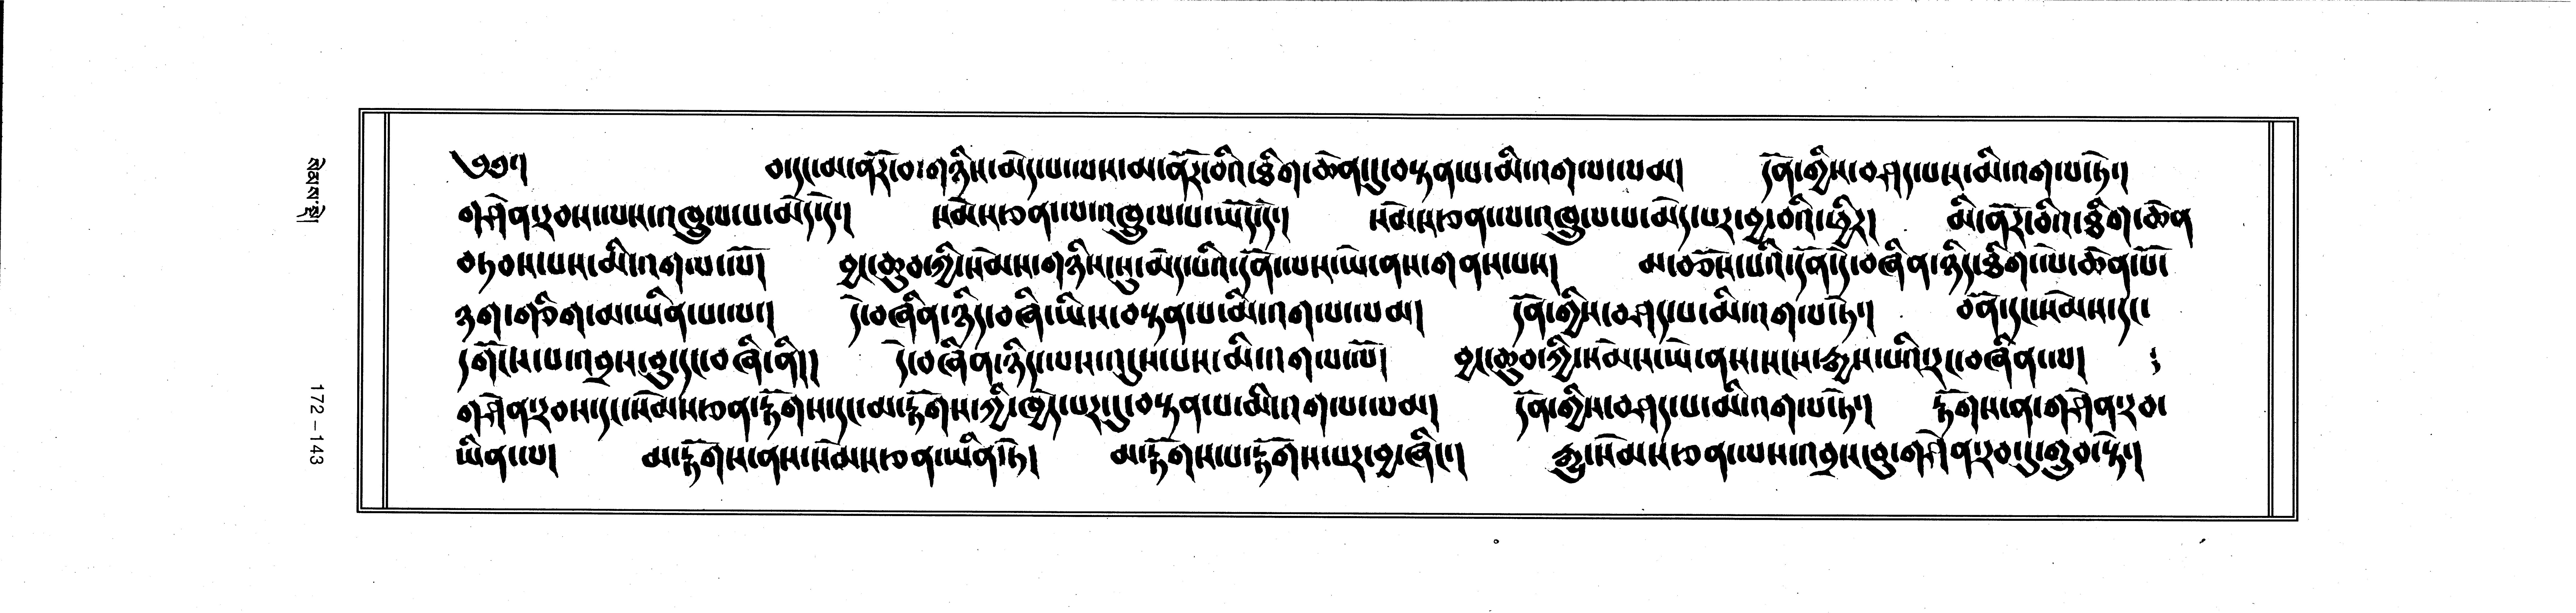བ་དང་མ་ནོར་བ་གཉིས་མེད་པ་ལས་མ་ནོར་བའི་ཐིག་ཆེན་བསྟན་པ་མི་འགལ་ལམ། དོན་གྱིས་བཤད་པས་མི་འགལ་ཏེ། 
གཤེན་རབ་ལས་འཁྲུལ་པ་མེད་དེ། སེམས་ཅན་ལ་འཁྲུལ་པ་ཡོད་དོ། སེམས་ཅན་ལ་འཁྲུལ་པ་མེད་པར་བྱ་བའི་ཕྱིར། མི་ནོར་བའི་ཐིག་ཆེན་
བཏབས་པས་མི་འགལ་ལོ། བྱང་ཆུབ་ཀྱི་སེམས་གཉིས་སུ་མེད་པའི་དོན་ལས་ཡེ་ནས་གནས་པས། མ་བཅོས་པའི་དོན་དེ་བཞིན་ཉིད་ཐིག་ལེ་ཆེན་པོ་
ཉག་གཅིག་མ་ཡིན་པ་ལ། དེ་བཞིན་ཉིད་བཞི་ཡིས་བསྟན་མི་འགལ་ལམ། དོན་གྱིས་བཤད་པ་མི་འགལ་ཏེ། བོན་དང་སེམས་དང་
དགོངས་པ་འབྲས་བུ་དང་བཞི་ནི། དེ་བཞིན་ཉིད་ལས་འདུས་པར་མི་འགལ་ལོ། བྱང་ཆུབ་ཀྱི་སེམས་ཡེ་ནས་སངས་རྒྱས་པའི་རང་བཞིན་ལ། 
གཤེན་རབ་དང་སེམས་ཅན་རྟོགས་དང་མ་རྟོགས་ཀྱི་ཁྱེད་པར་དུ་བསྟན་པ་མི་འགལ་ལམ། དོན་གྱིས་བཤད་པ་མི་འགལ་ཏེ། རྟོགས་ན་གཤེན་རབ་
ཡིན་ལ། མ་རྟོགས་ནས་སེམས་ཅན་ཡིན་ཏེ། མ་རྟོགས་པ་རྟོགས་པར་བྱ་ཞིང་། རྒྱུ་སེམས་ཅན་ལས་འབྲས་བུ་གཤེན་རབ་དུ་གྲུབ་སྟེ།